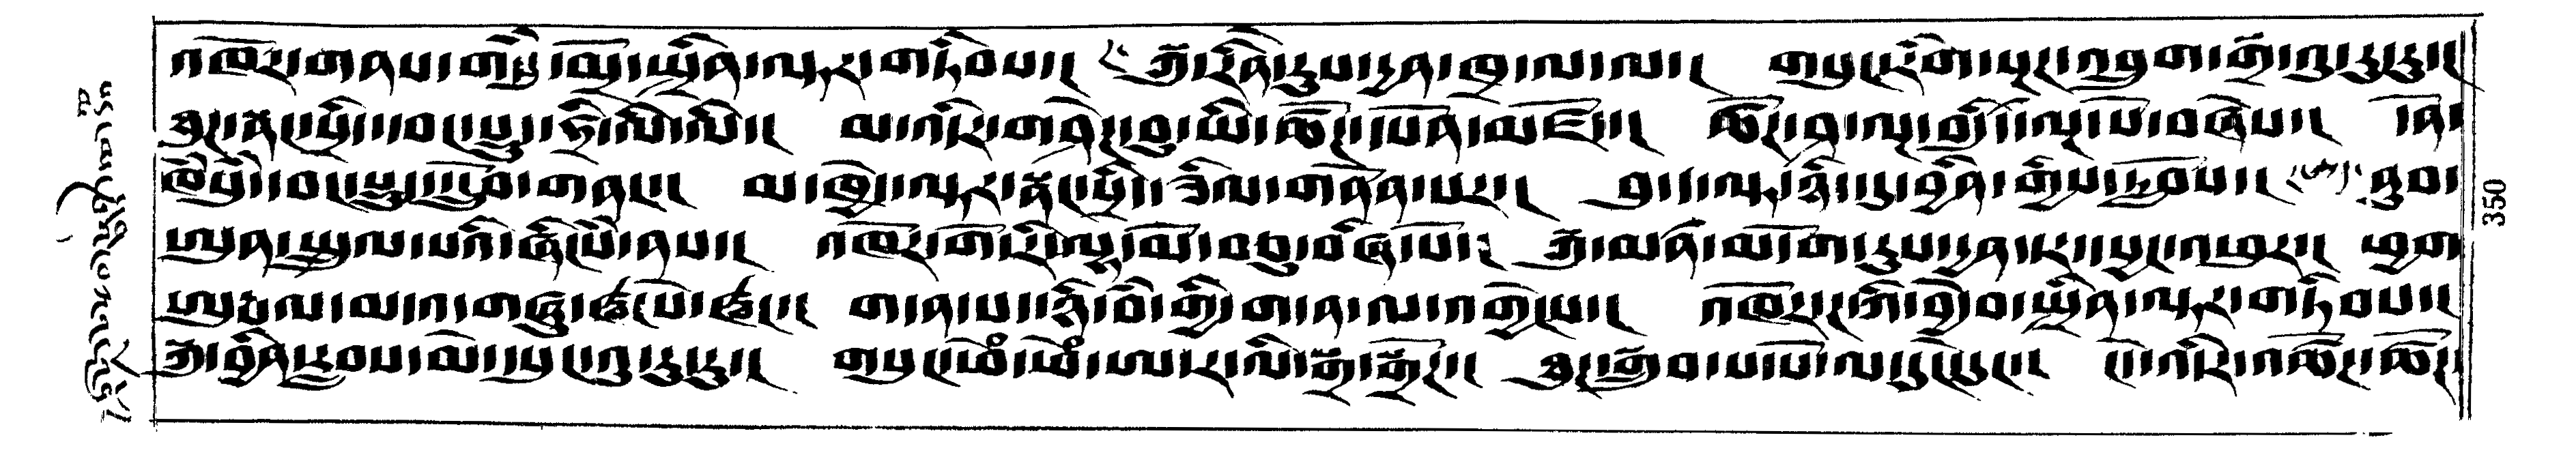།འཁོར་གནས་གསུམ་མཁའ་འགྲོ་སྤྲིན་ལྟར་གཏིབས། །སྐུ་རིན་ཆེན་རུས་རྒྱན་ཁྲ་ལ་ལ། །གསུང་རིག་སྔགས་འབྲུག་སྒྲ་འུ་རུ་རུ། །
ཐུགས་སྣང་སྲིད་དབང་སྡུད་ཧྲི་ལི་ལི། །མ་འདིར་གཤེགས་བུ་ཡི་ཚོགས་དཔོན་མཛོད། །ཚོགས་ཤ་ལྔ་བདུད་རྩི་ལྔ་པོ་བཞེས། །དོན་
ཁམས་གསུམ་དབང་སྡུད་དངོས་གྲུབ་གནང་། །མ་ཁྱེད་ལྟར་སྣང་སྲིད་ཟིལ་གནོན་པར། །བུ་ད་ལྟ་ཉིད་དུ་བྱིན་གྱིས་རློབས། །ནུབ་
ཨོ་རྒྱན་སྤྲུལ་པའི་ཞིང་ཁམས་ནས། །འཁོར་གཽ་རི་ལྷ་མོ་བཅུ་བཞི་པོ། །སྐུ་མཚན་མདོག་རུས་རྒྱན་དར་དཔྱང་འཕུར། །ཕྱག་
ཨུཏྤཱལ་མདའ་གཞུ་ཝང་སེ་ཝང་། །གདན་པད་་ཉི་བམ་གྱི་གདན་ལ་འགྱིང་། །འཁོར་ཌཱ་ཀི་བྱེ་བ་སྤྲིན་ལྟར་གཏིབས། །
སྐུ་བྱིན་རླབས་མེ་དཔུང་འུ་རུ་རུ། །གསུང་ཕེཾ་ཕེཾ་ཨ་ར་ལི་སྒྲ་སྒྲོགས། །ཐུགས་སྒྲུབ་པ་པོ་ལ་དུང་ངེ་དུང་།ངེད་འདིར་ཚོགས་ཚོགས་